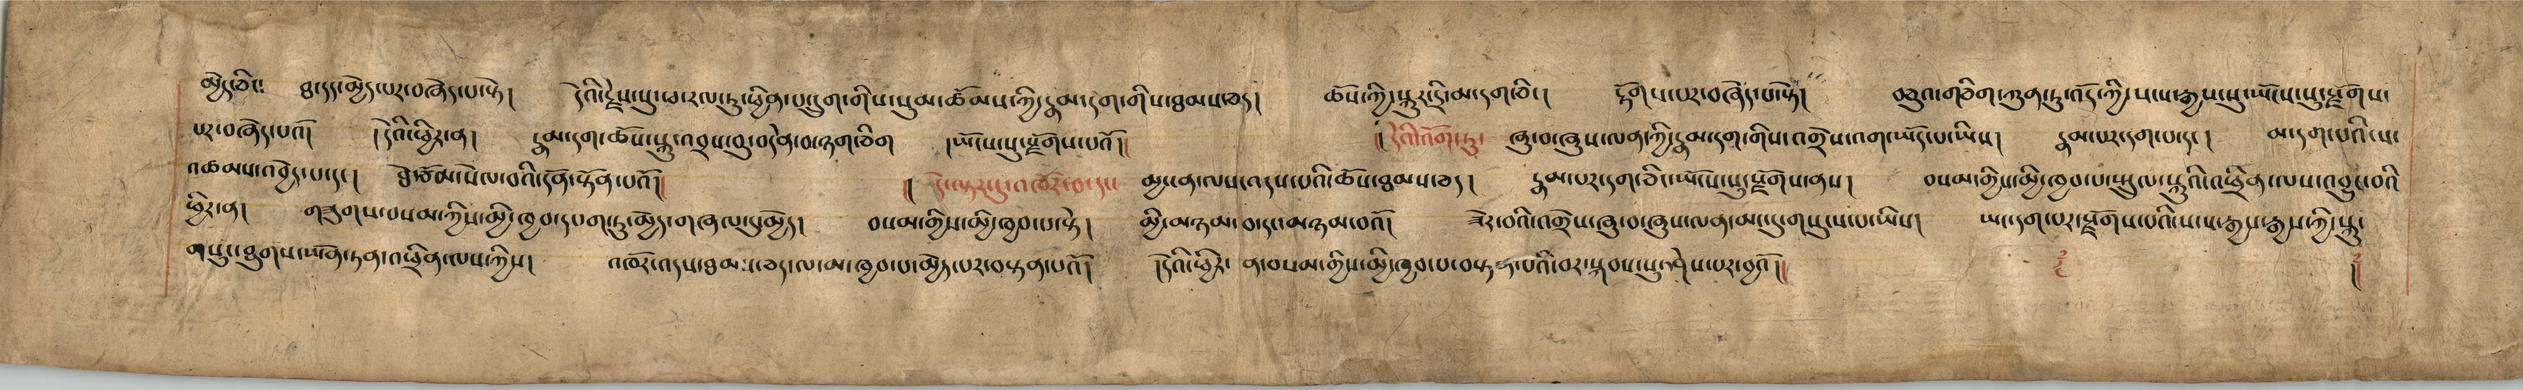མྱེད་ཅིང: ཐ དད་མྱེད་པར་བཞེད་པ་སྟེ། དེའི་རྗེས་སུ་ཕ་རལ་ཏུ་ཕྱིན་པ་དྲུག་གིས་སུམ་ཚོམས་ཀྱི་རྣམ་དག་གིས་ཐམས་ཅད། ཆོས་ཀྱི་སྐུར་དྲི་མ་དག་ཅིང། རྟོགས་པར་བཞེད་པ་སྟེ། བཅུའ་གཅིག་ཀུན་ཏུ་འོད་ཀྱི་སངས་རྒྱས་སུ་ཡོངས་སུ་སྫོགས་
པར་བཞེད་པའོ། །དེའི་ཕྱིར་ན། རྣམ་དག་ཆོས་སྐུ་འབྲས་བུ་བདེན་བ་ཉག་ཅིག །ཡོངས་སུ་སྫོགས་པའོ།། །།དེའི་འོག་ཏུ་ ཞུ་བ་ཞཱུས་ལན་ཀྱི་རྣམ་དག་གིས་འགྲེས་འག་ཡོད་པ་ཡིས། རྣམ་པར་དག་པ་དང། མ་དག་པའི་ས་
འཚམས་འབྱེད་པ་དང། ཐེ་ཙོམ་སེལ་བའི་དོན་སྟོན་པའོ།། །། དེ་ལྟར་དུ་འཁོར་བ་དང་ མྱ་ངན་ལས་འདས་པའི་ཆོས་ཐམས་ཅད། རྣམ་པར་དག་ཅིང་ཡོངས་སུ་སྫོགས་ནས། བསམ་གྱིས་མྱི་ཁྱབ་པ་སྤྲུལ་སྐུའི་འཕྲིན་ལས་འབྱུང་བའི
ཕྱིར་ན། གཟུགས་བསམ་ཀྱིས་མྱི་ཁྱབ་དཔག་ཏུ་མྱེད་གཞལ་དུ་མྱེད། བསམ་གྱིས་མྱི་ཁྱབ་པ་སྟེ། མྱི་མཉམ་བ་དང་མཉམ་བའོ། ཟེར་བའི་འགྲེས་ཞུ་བ་ཞུས་ལན་མང་དུ་གསུངས་པ་ཡིས། ཡང་དག་པར་སྫོགས་པའི་སངས་རྒྱས་རྒྱས་ཀྱི་སྐུ་
གསུང་ཐུགས་ཡོན་ཏན་འཕྲིན་ལས་ཀྱིས། འཁོར་འདས་ཐམས་ཅད་ལ་མ་ཁྱབ་པ་མྱེད་པར་བསྟན་པའོ། །དེའི་ཕྱིར་ ན་བསམ་གྱིས་མྱི་ཁྱབ་པ་བསྟན་པའི་བར་བར་སྐབས་སུ་ཤེས་པར་བྱའོ།།